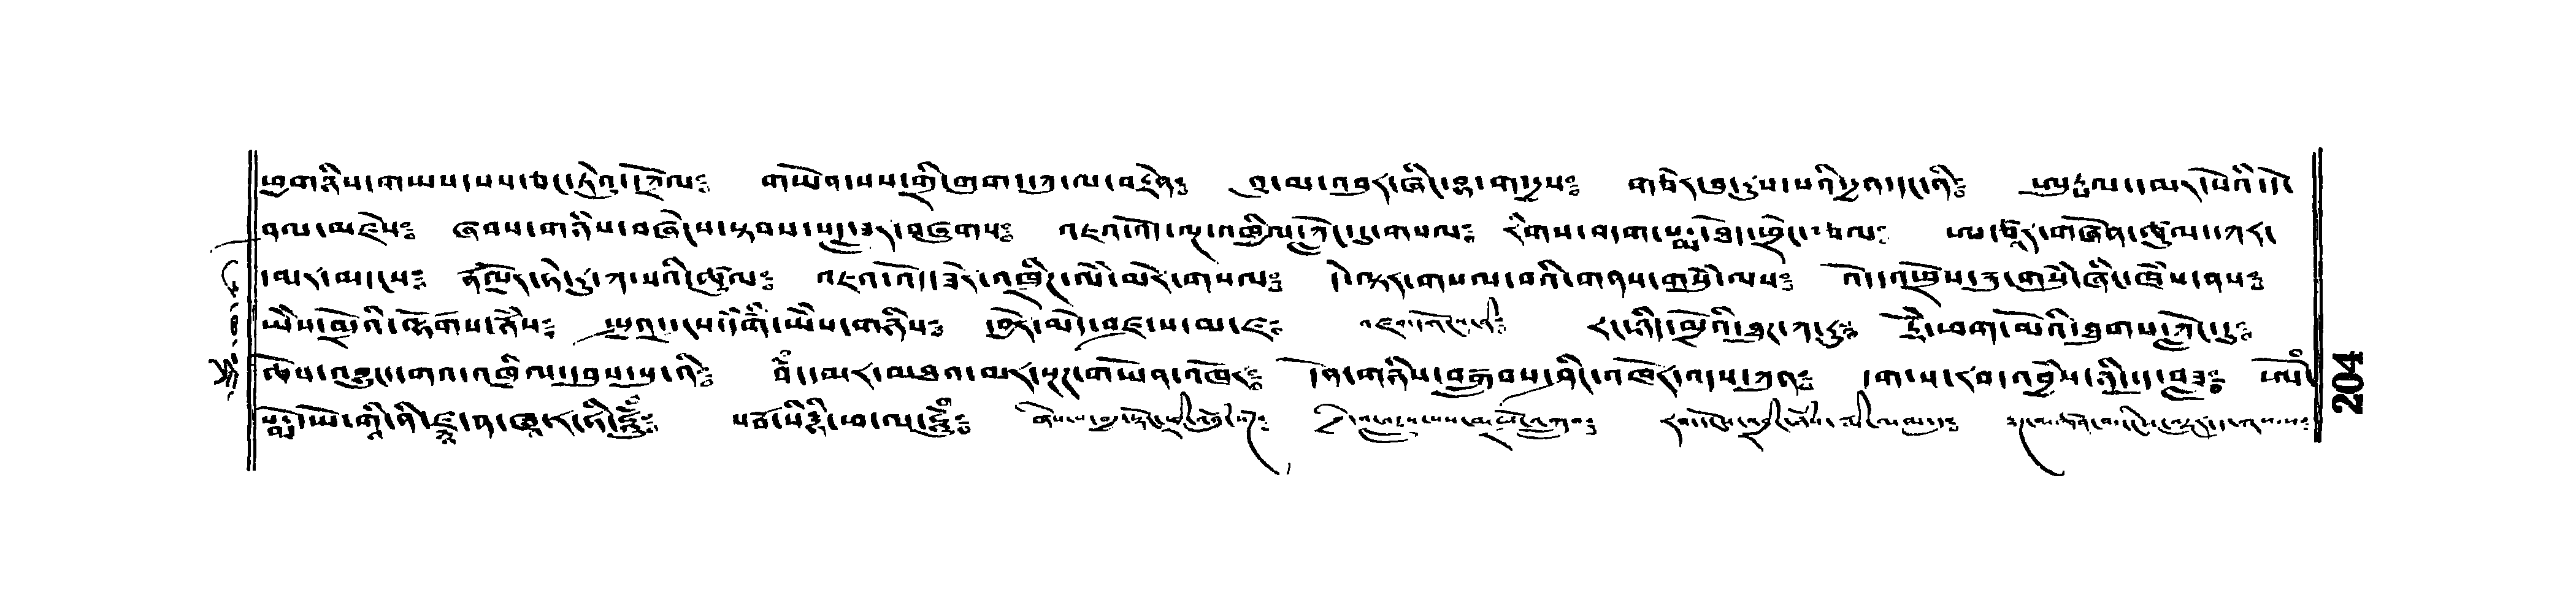ཕྱག་གཉིས་གཡས་པས་ཅང་ཏེའུ་དཀྲོལ༔ གཡོན་པས་གྲི་གུག་དཀུ་ལ་བརྟེན༔ ནུ་མ་འབུར་ཞིང་བྷ་ག་རྒྱས༔ གཅེར་བུ་རུས་པའི་རྒྱན་དང་ནི༔ ཨུཏྤལ་དམར་པོའི་དོ་
ཤལ་མཛེས༔ ཞབས་གཉིས་བཞེངས་སྟབས་པད་ཟླར་བཞུགས༔ འཇའ་འོད་ལྔ་འཁྱིལ་ཀློང་དུ་གསལ༔ རིགས་བདག་པདྨ་ཐོད་ཕྲེང་རྩལ༔ ཨ་ཙཱར་གཞོན་ཚུལ་དཀར་
དམར་མདངས༔ རྣལ་འབྱོར་ཧེ་རུ་ཀ་པའི་ཚུལ༔ འཇའ་འོད་ཟེར་འཁྲིགས་ལམ་མེར་གསལ༔ དེ་ལྟར་གསལ་བའི་གནས་གསུམ་ལས༔ འོད་འཕྲོས་སྐུ་གསུམ་ཞིང་ཁམས་ནས༔ 
ཡེ་ཤེས་མཁའ་འགྲོའི་ལྷ་ཚོགས་རྣམས༔ སྤྱན་དྲངས་དམ་ཚིག་ཡེ་ཤེས་གཉིས༔ དབྱེར་མེད་བཛྲ་ས་མ་ཛཿ འཛབ་དགོངས་ནི༔ རང་ཉིད་མཁའ་འགྲོའི་ཐུགས་ཀ་རུ༔ རྡོ་རྗེ་ཕག་མོའི་ཐུགས་ཀློང་དུ༔ 
ཆོས་འབྱུང་དགའ་འཁྱིལ་དབུས་སུ་ནི༔བྃ་དམར་མཐའ་མར་སྔགས་གཡོན་འཁོར༔ དོན་གཉིས་བསྒྲུབས་ཤིང་འཁོར་འདས་ཀུན༔ དག་པ་རབ་འབྱམས་ཉིད་དུ་བཟླ༔ ཨོཾ་
པདྨོ་ཡོ་གཱི་ནི་ཛྙཱ་ན་ཝཱ་ར་ཧི་ཧཱུྃ༔ སརྦ་སིདྡྷི་ཕ་ལ་ཧཱུྃ༔ ཞེས་པ་བརྒྱ་སྟོང་ཁྲི་འབུམ་སོགས༔ བྱེ་བ་བཟླས་པས་མཁའ་འགྲོ་འགྲུབ༔ རབ་དངོས་འབྲི་ཉམས་རྨི་ལམ་དུ༔ རྟགས་མཚན་མ་ངེས་མྱུར་དུ་གསལ༔